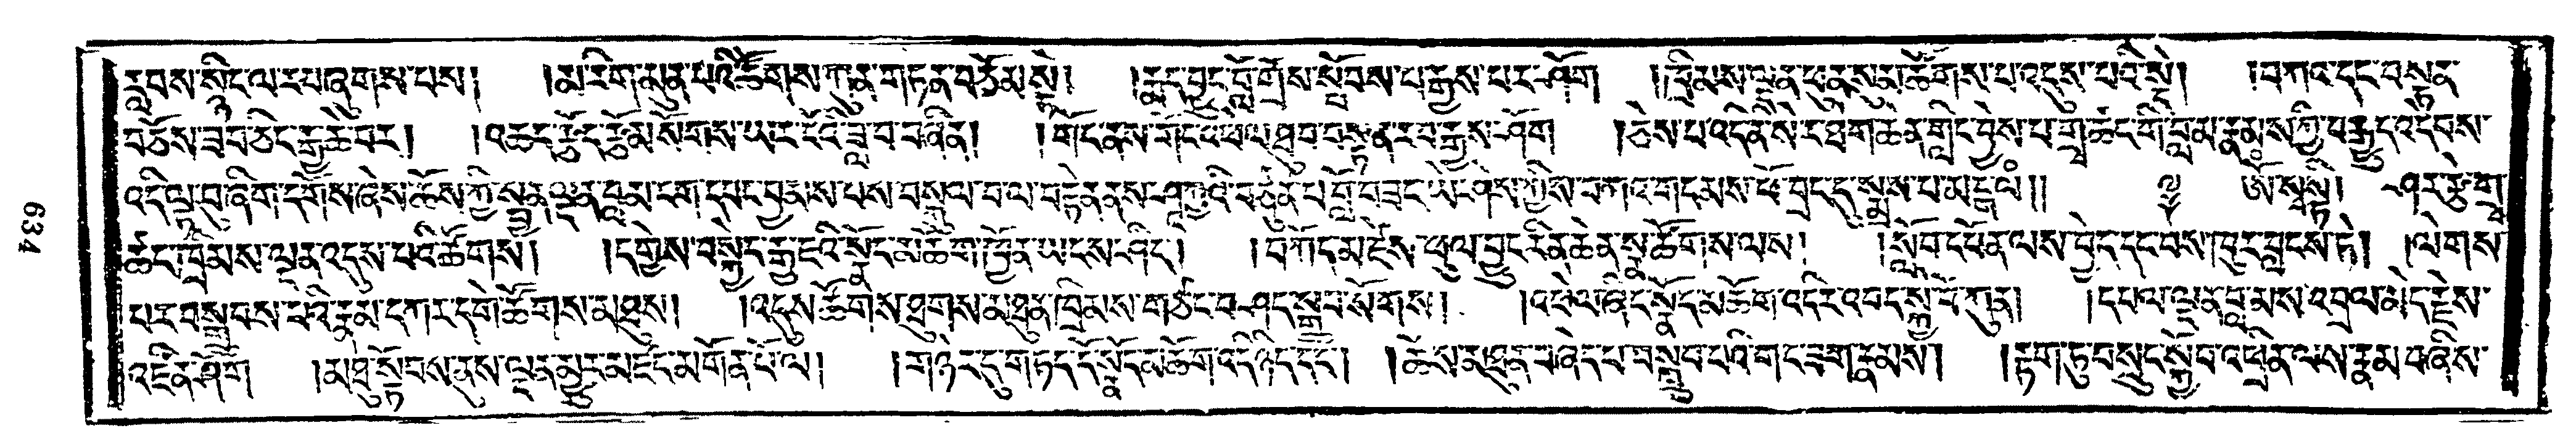རླབས་སྙིང་ལ་རབ་ཞུགས་པས། །མ་རིག་མུན་པའི་ཚོགས་ཀུན་གཏན་བཅོམ་སྟེ། །རྨད་བྱུང་བློ་གྲོས་སྤོབས་པ་རྒྱས་པར་ཤོག །ཁྲིམས་ལྡན་ཕུན་སུམ་ཚོགས་པ་འདུས་པའི་སྡེ། །བཀའ་དང་བསྟན་
བཅོས་ཟབ་ཅིང་རྒྱ་ཆེ་བར། །འཆད་རྩོད་རྩོམ་སོགས་ཡར་ངོའི་ཟླ་བ་བཞིན། །གོང་ནས་གོང་འཕེལ་ཐུབ་བསྟན་རབ་རྒྱས་ཤོག །ཅེས་པ་འདི་ནི་སེ་ར་ཐེག་ཆེན་གླིང་བྱེས་པ་གྲྭ་ཚང་གི་བླ་མ་རྣམས་ཀྱི་བརྒྱུད་འདེབས་
འདི་ལྟ་བུ་ཞིག་དགོས་ཞེས་ཆོས་ཀྱི་སྤྱན་ལྡན་བླ་མ་ངག་དབང་བྱམས་པས་བསྐུལ་བ་ལ་བརྟེན་ནས་ཤཱཀྱའི་བཙུན་པ་བློ་བཟང་ཡེ་ཤེས་ཀྱིས་བཀའ་གདམས་ཕོ་བྲང་དུ་སྨྲས་པ་མངྒ་ལཾ།། ༈ ཨོཾ་སྭསྟི། ཤར་རྩེ་གྲྭ་
ཚང་ཁྲིམས་ལྡན་འདུས་པའི་ཚོགས། །དགྱེས་བསྐྱེད་རྒྱ་ཇའི་སྣོད་མཆོག་ཁྱོན་ཡངས་ཤིང་། །བཀོད་མཛེས་ཕུལ་བྱུང་རིན་ཆེན་སྣ་ཚོགས་ལས། །སློབ་དཔོན་ལས་བྱེད་དང་བས་ཁུར་བླངས་ཏེ། །ལེགས་
པར་བསྒྲུབས་པའི་རྣམ་དཀར་དགེ་ཚོགས་མཐུས། །འདུས་ཚོགས་ཐུགས་མཐུན་ཁྲིམས་གཙང་བཤད་སྒྲུབ་སོགས། །འཕེལ་ཞིང་སྣོད་མཆོག་འདིར་འབད་སྐྱེ་བོ་ཀུན། །དཔལ་ལྡན་བླ་མས་འབྲལ་མེད་རྗེས་
འཛིན་ཤོག །མཐུ་སྟོབས་ནུས་ལྡན་མྱུར་མཛད་མགོན་པོ་ལ། །གཉེར་དུ་གཏད་དོ་སྣོད་མཆོག་འདི་ཉིད་དང་། །ཆོས་མཐུན་བཞེད་པ་བསྒྲུབ་པའི་གང་ཟག་རྣམས། །རྟག་ཏུ་བསྲུང་སྐྱོབ་འཕྲིན་ལས་རྣམ་བཞིས་